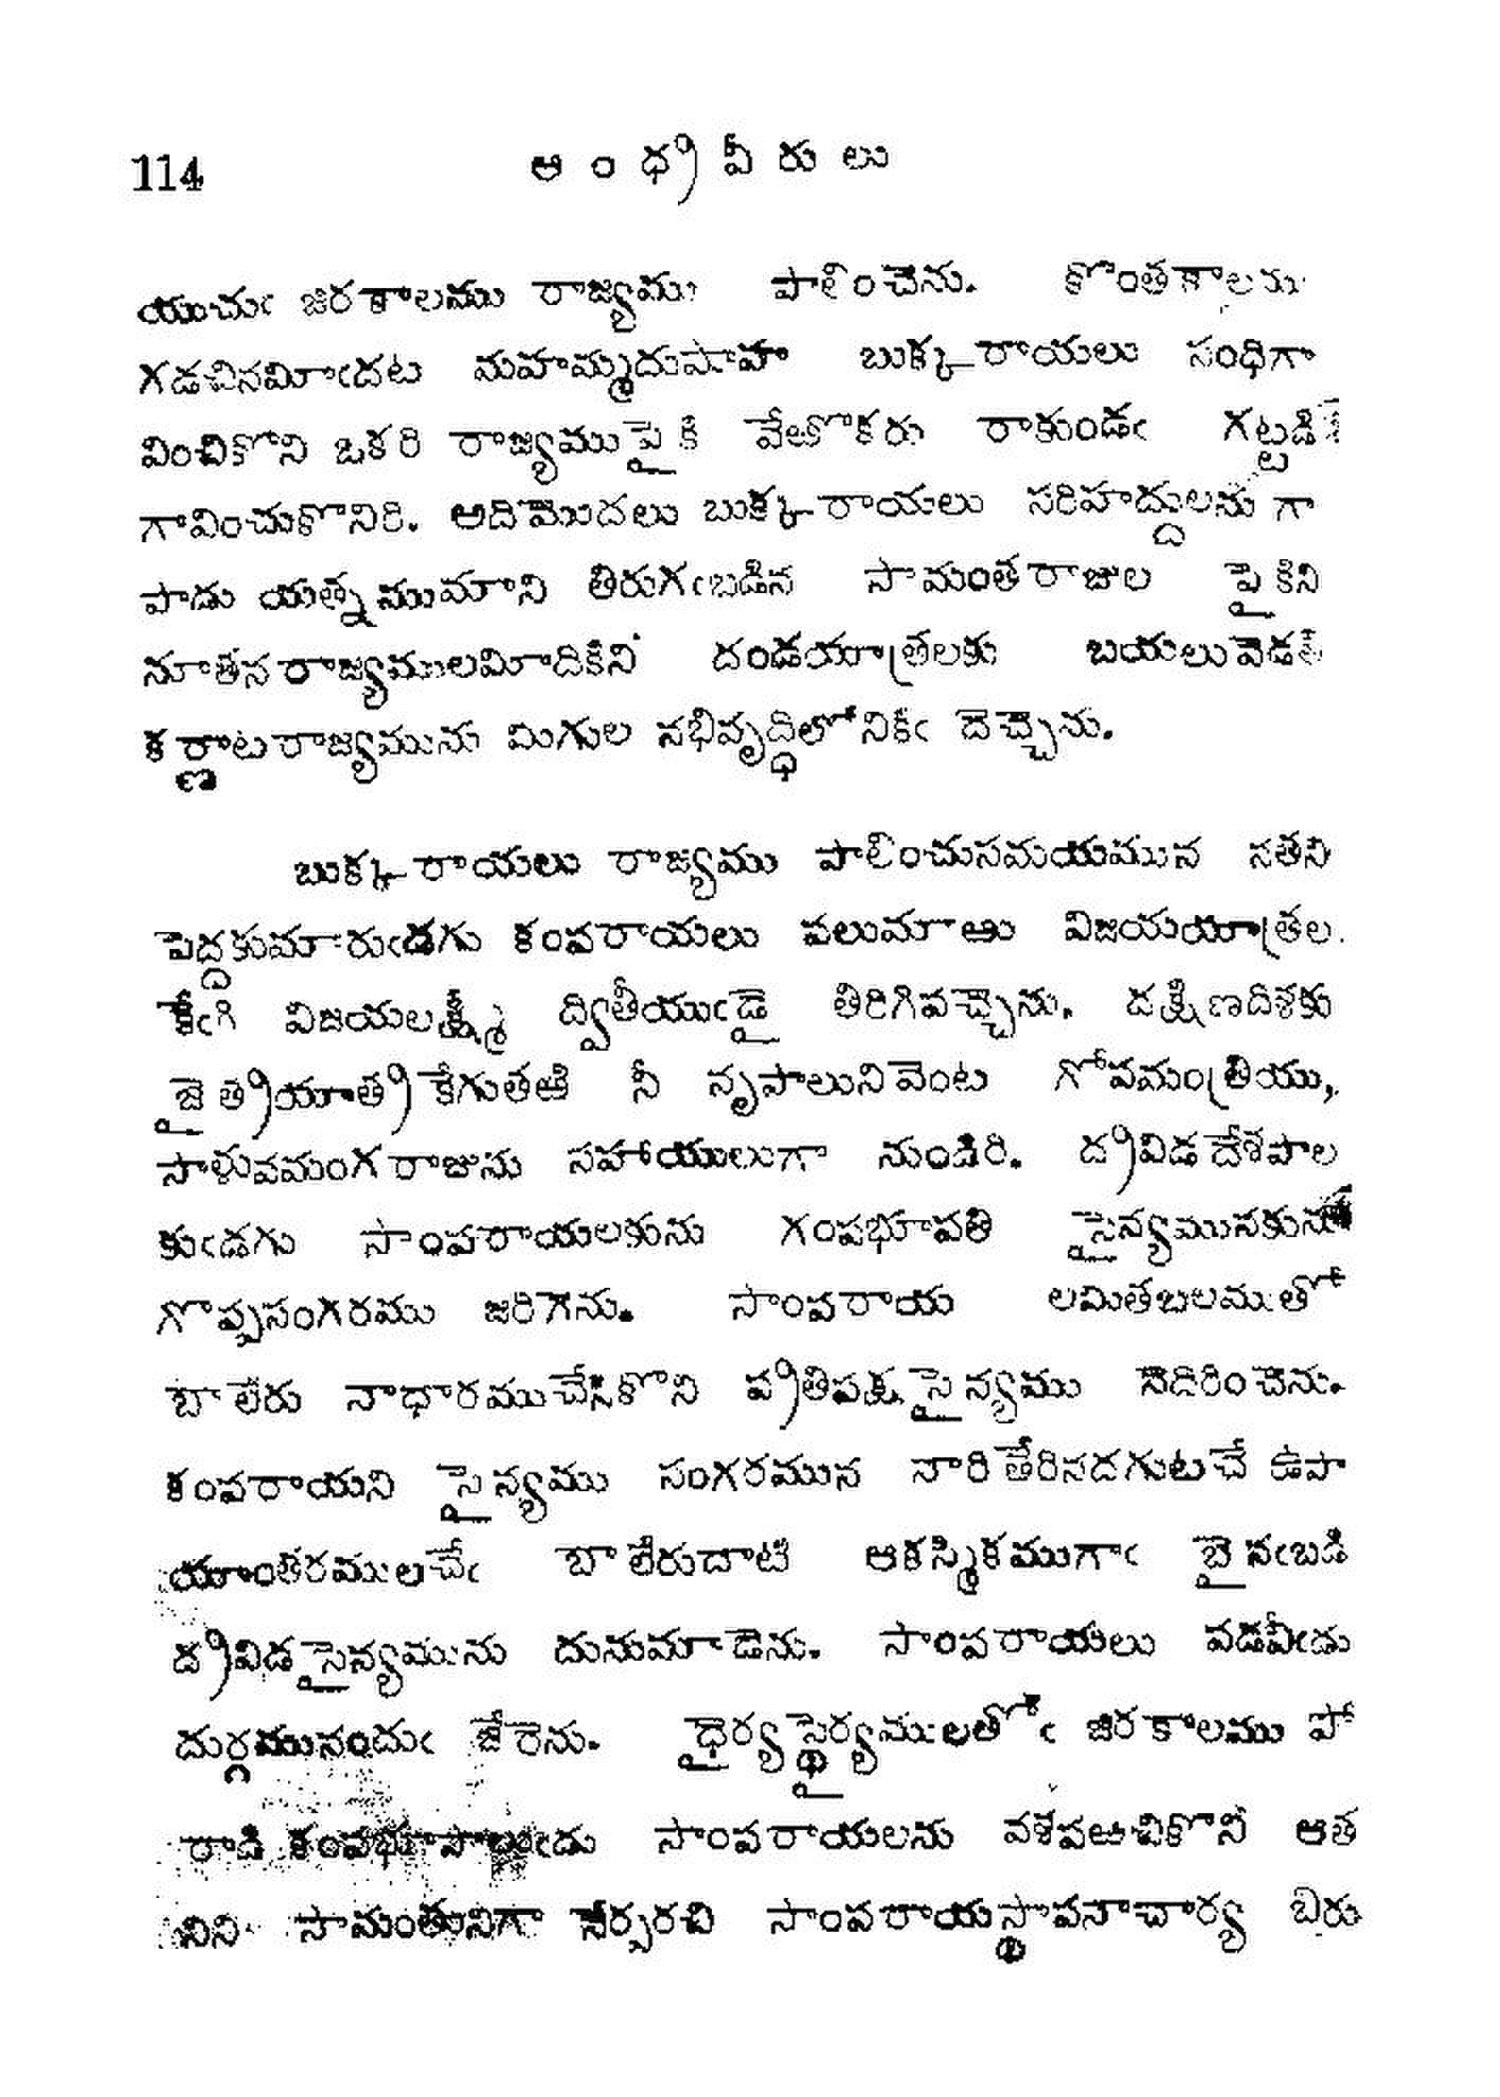యుచు జిరకాలము రాజ్యము పాలించెను. కొంతకాలము గడచినమీదట మహమ్మదుషాహ బుక్కరాయలు సంధిగావించికొని ఒకరి రాజ్యముపైకి వేఱొకరు రాకుండ గట్టడి గావించుకొనిరి. అదిమొదలు బుక్కరాయలు సరిహద్దులను గాపాడు యత్నముమాని తిరుగబడిన సామంతరాజుల పైకిని నూతన రాజ్యములమీదికిని దండయాత్రలకు బయలువెడలి కర్ణాటరాజ్యమును మిగుల నభివృద్ధిలోనికి దెచ్చెను.

బుక్కరాయలు రాజ్యము పాలించుసమయమున నతని పెద్దకుమారుడగు కంపరాయలు పలుమాఱు విజయయాత్రల కేగి విజయలక్ష్మీ ద్వితీయుడై తిరిగివచ్చెను. దక్షిణదిశకు జైత్రయాత్రకేగుతఱి నీ నృపాలునివెంట గోపమంత్రియు, సాళువమంగరాజును సహాయులుగా నుండిరి. ద్రవిడదేశపాలకుడగు సాంపరాయలకును గంపభూపతి సైన్యమునకును గొప్పసంగరము జరిగెను. సాంపరాయ లమితబలముతో బాలేరు నాధారముచేసికొని ప్రతిపక్షసైన్యము నెదిరించెను. కంపరాయని సైన్యము సంగరమున నారితేరినదగుటచే ఉపాయాంతరములచే బాలేరుదాటి ఆకస్మికముగా బైనపడి ద్రవిడసైన్యమును దునుమాడెను. సాంపరాయలు వడవీడు దుర్గమునందు జేరెను. ధైర్యస్థైర్యములతో జిరకాలము పోరాడి కంపభూపాలుడు సాంపరాయలను వశపఱచికొని ఆతనిని సామంతునిగా నేర్పరచి సాంపరాయస్థాపనాచార్య బిరు